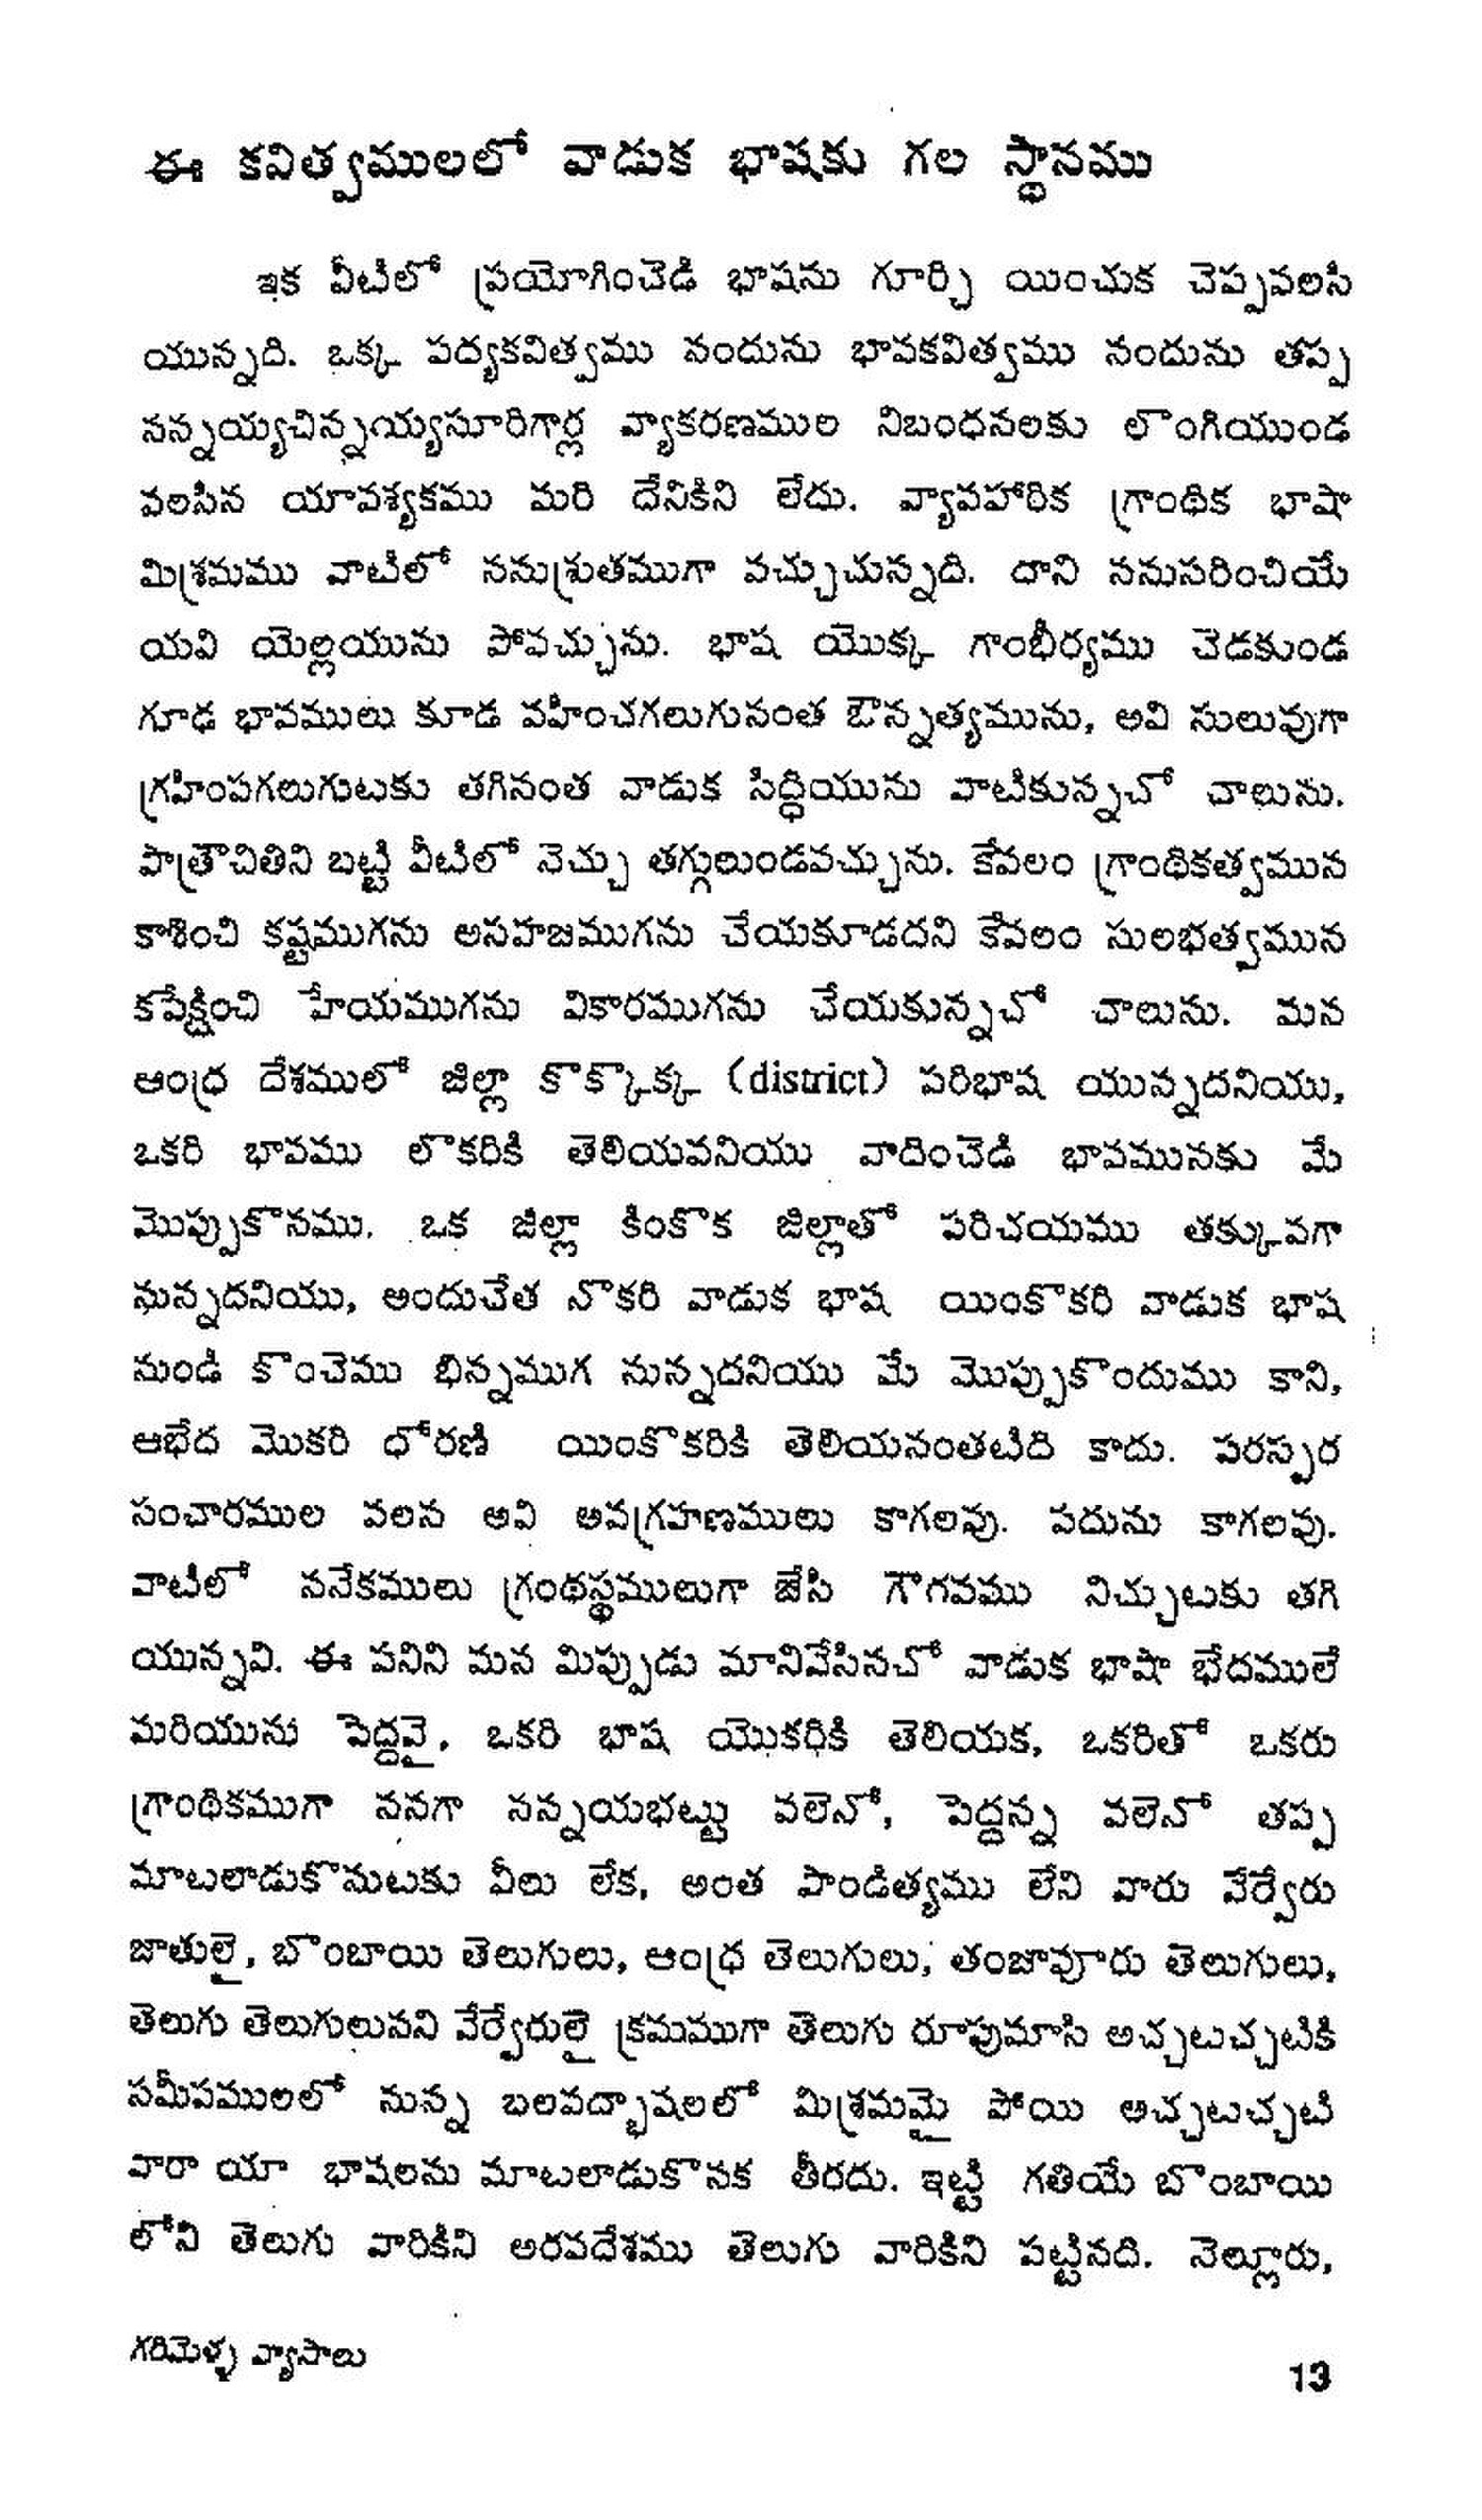ఈ కవిత్వములలో వాడుక భాషకు గల స్థానము

ఇక వీటిలో ప్రయోగించెడి భాషను గూర్చి యించుక చెప్పవలసియున్నది. ఒక్క పద్యకవిత్వము నందును భావకవిత్వము నందును తప్ప నన్నయ్యచిన్నయ్యసూరిగార్ల వ్యాకరణముల నిబంధనలకు లొంగియుండవలసిన యావశ్యకము మరి దేనికిని లేదు. వ్యావహారిక గ్రాంధిక భాషామిశ్రమము వాటిలో ననుశ్రుతముగా వచ్చుచున్నది. దాని ననుసరించియే యని యెల్లయును పోవచ్చును. భాష యొక్క గాంభీర్యము చెడకుండ గూఢ భావములు కూడ వహించగలుగునంత ఔన్నత్యమును, అవి సులువుగా గ్రహింపగలుగుటకు తగినంత వాడుక సిద్ధియును వాటికున్నచో చాలును. పాత్రౌచితిని బట్టి వీటిలో నెచ్చు తగ్గులుండవచ్చును. కేవలం గ్రాంథికత్వమున కాశించి కష్టముగను అసహజముగను చేయకూడదని కేవలం గ్రాంథికత్వమున కాశించి కష్టముగను అసహజముగను చేయకూడదని కేవలం సులభత్వమున కపేక్షించి హేయముగను వికారముగను చేయకున్నచో చాలును. మన ఆంధ్ర దేశములో జిల్లా కొక్కొక్క (district) పరిభాష యున్నదనియు, ఒకరి భావము లొకరికి తెలియవనియు వాదించెడి భావమునకు మే మొప్పుకొనము. ఒక జిల్లా కింకొక జిల్లాతో పరిచయము తక్కువగా నున్నదనియు, అందుచేత నొకరి వాడుక భాష యింకొకరి వాడుక భాష నుండి కొంచెము భిన్నముగ నున్నదనియు మే మొప్పుకొందుము కాని, ఆభేద మొకరి ధోరణి యింకొకరికి తెలియునంతటిది కాదు. పరస్పర సంచారముల వలన అవి అవగ్రహణములు కాగలవు. పదును కాగలవు. వాటిలో ననేకములు గ్రంథస్థములుగా జేసి గౌరవము నిచ్చుటకు తగియున్నవి. ఈ పనిని మన మిప్పుడు మానివేసినచో వాడుక భాషా భేదములే మరియును పెద్దవై, ఒకరి భాష యొకరికి తెలియక, ఒకరితో ఒకరు గ్రాంథికముగా ననగా నన్నయభట్టు వలెనో, పెద్దన్న వలెనో తప్ప మాటలాడుకొనుటకు వీలు లేక, అంత పాండిత్యము లెని వారు వేర్వేరు జాతులై, బొంబాయి తెలుగులు, ఆంధ్ర తెలుగులు, తంజావూరు తెలుగులు, తెలుగు తెలుగులునని వేర్వేరులై క్రమముగా తెలుగు రూపుమాసి అచ్చటచ్చటికి సమీపములలో నున్న బలవద్భాషలలో మిశ్రమమై పోయి అచ్చటచ్చటి వారా యా భాషలను మాటలాడుకొనక తీరదు. ఇట్టి గతియే బొంబాయిలోని తెలుగు వారికిని అరవదేశము తెలుగు వారికిని పట్టినది. నెల్లూరు,